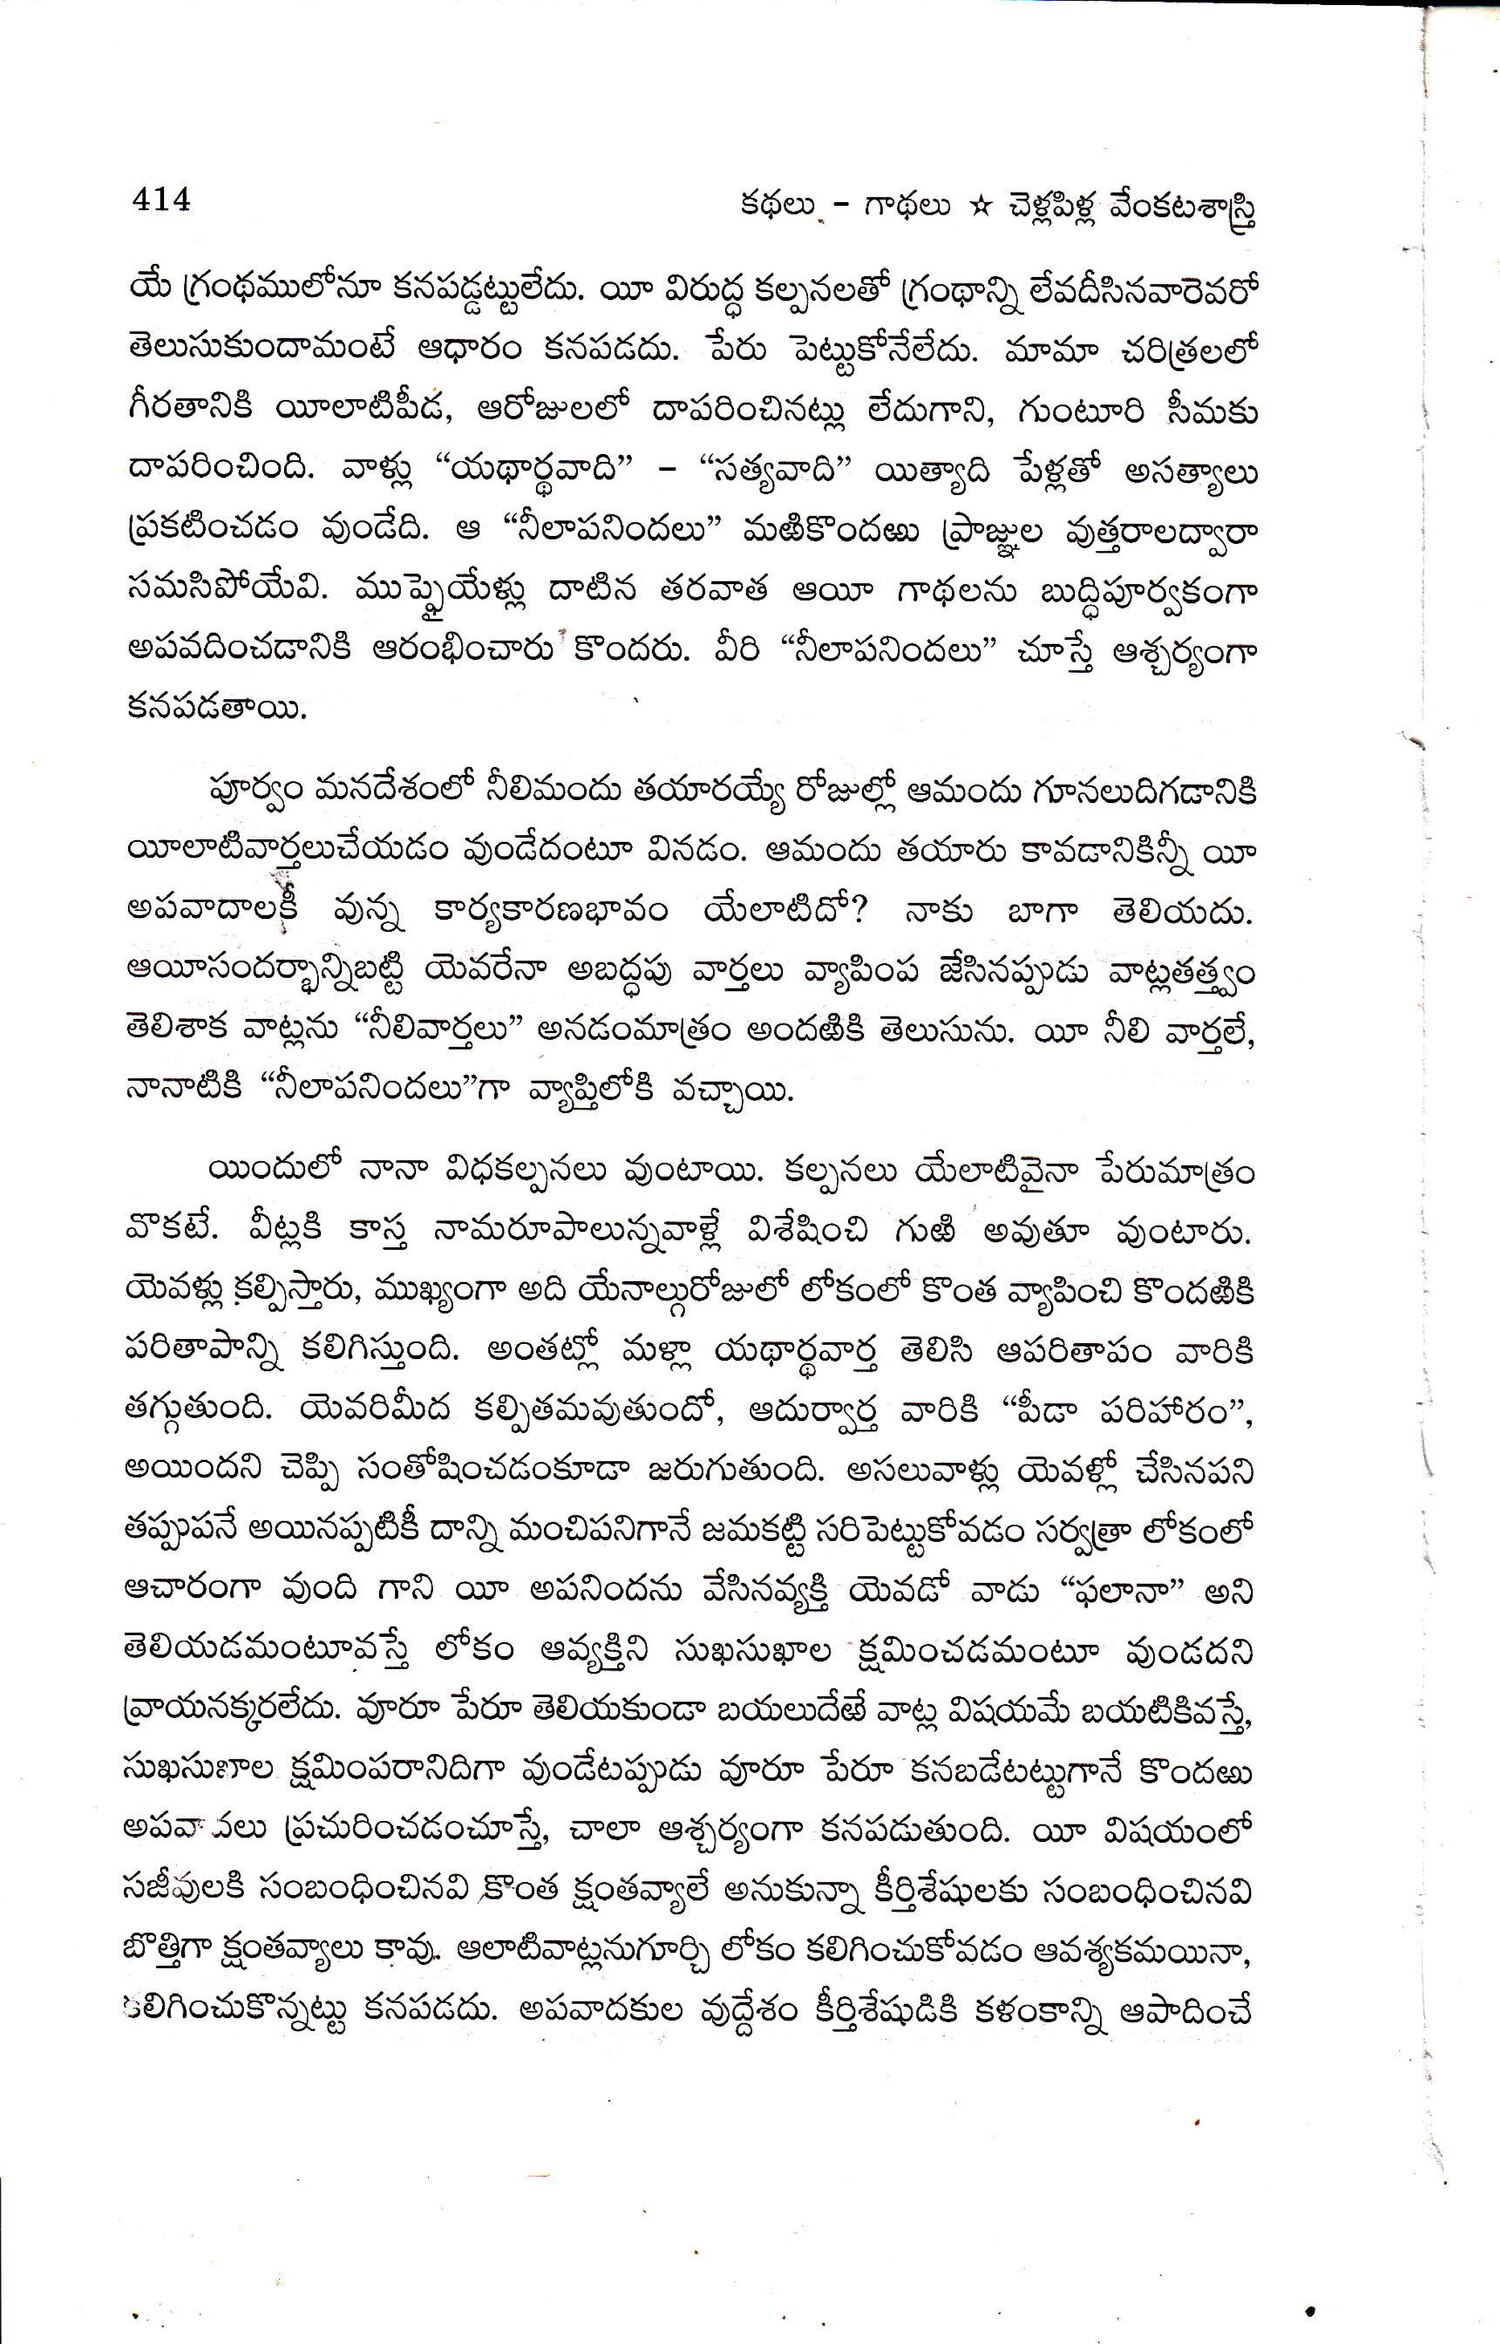యే గ్రంథములోనూ కనపడ్డట్టులేదు. యీ విరుద్ధ కల్పనలతో గ్రంథాన్ని లేవదీసినవారెవరో తెలుసుకుందామంటే ఆధారం కనపడదు. పేరు పెట్టుకోనేలేదు. మామా చరిత్రలలో గీరతానికి యీలాటిపీడ, ఆరోజులలో దాపరించినట్లు లేదుగాని, గుంటూరి సీమకు దాపరించింది. వాళ్లు “యథార్థవాది" - "సత్యవాది" యిత్యాది పేళ్లతో అసత్యాలు ప్రకటించడం వుండేది. ఆ “నీలాపనిందలు" మఱికొందఱు ప్రాజ్ఞుల వుత్తరాలద్వారా సమసిపోయేవి. ముప్పైయేళ్లు దాటిన తరవాత ఆయీ గాథలను బుద్ధిపూర్వకంగా అపవదించడానికి ఆరంభించారు. కొందరు. వీరి “నీలాపనిందలు" చూస్తే ఆశ్చర్యంగా కనపడతాయి. 

పూర్వం మనదేశంలో నీలిమందు తయారయ్యే రోజుల్లో ఆమందు గూనలుదిగడానికి యీలాటివార్తలుచేయడం వుండేదంటూ వినడం. ఆమందు తయారు కావడానికిన్నీ యీ అపవాదాలకీ వున్న కార్యకారణభావం యేలాటిదో? నాకు బాగా తెలియదు. ఆయీసందర్భాన్నిబట్టి యెవరేనా అబద్ధపు వార్తలు వ్యాపింప జేసినప్పుడు వాట్లతత్త్వం తెలిశాక వాట్లను “నీలివార్తలు” అనడంమాత్రం అందఱికి తెలుసును. యీ నీలి వార్తలే, నానాటికి “నీలాపనిందలు"గా వ్యాప్తిలోకి వచ్చాయి.

యిందులో నానా విధకల్పనలు వుంటాయి. కల్పనలు యేలాటివైనా పేరుమాత్రం వొకటే. వీట్లకి కాస్త నామరూపాలున్నవాళ్లే విశేషించి గుఱి అవుతూ వుంటారు. యెవళ్లు కల్పిస్తారు, ముఖ్యంగా అది యేనాల్గురోజులో లోకంలో కొంత వ్యాపించి కొందఱికి పరితాపాన్ని కలిగిస్తుంది. అంతట్లో మళ్లా యథార్థవార్త తెలిసి ఆపరితాపం వారికి తగ్గుతుంది. యెవరిమీద కల్పితమవుతుందో, ఆదుర్వార్త వారికి “పీడా పరిహారం", అయిందని చెప్పి సంతోషించడంకూడా జరుగుతుంది. అసలువాళ్లు యెవశ్లో చేసినపని తప్పుపనే అయినప్పటికీ దాన్ని మంచిపనిగానే జమకట్టి సరిపెట్టుకోవడం సర్వత్రా లోకంలో ఆచారంగా వుంది గాని యీ అపనిందను వేసినవ్యక్తి యెవడో వాడు "ఫలానా" అని తెలియడమంటూవస్తే లోకం ఆవ్యక్తిని సుఖసుఖాల క్షమించడమంటూ వుండదని వ్రాయనక్కరలేదు. వూరూ పేరూ తెలియకుండా బయలుదేఱే వాట్ల విషయమే బయటికివస్తే, సుఖసుఖాల క్షమింపరానిదిగా వుండేటప్పుడు వూరూ పేరూ కనబడేటట్టుగానే కొందఱు అపవాదలు ప్రచురించడంచూస్తే, చాలా ఆశ్చర్యంగా కనపడుతుంది. యీ విషయంలో సజీవులకి సంబంధించినవి కొంత క్షంతవ్యాలే అనుకున్నా కీర్తిశేషులకు సంబంధించినవి బొత్తిగా క్షంతవ్యాలు కావు. ఆలాటివాట్లనుగూర్చి లోకం కలిగించుకోవడం ఆవశ్యకమయినా, కలిగించుకొన్నట్టు కనపడదు. అపవాదకుల వుద్దేశం కీర్తిశేషుడికి కళంకాన్ని ఆపాదించే